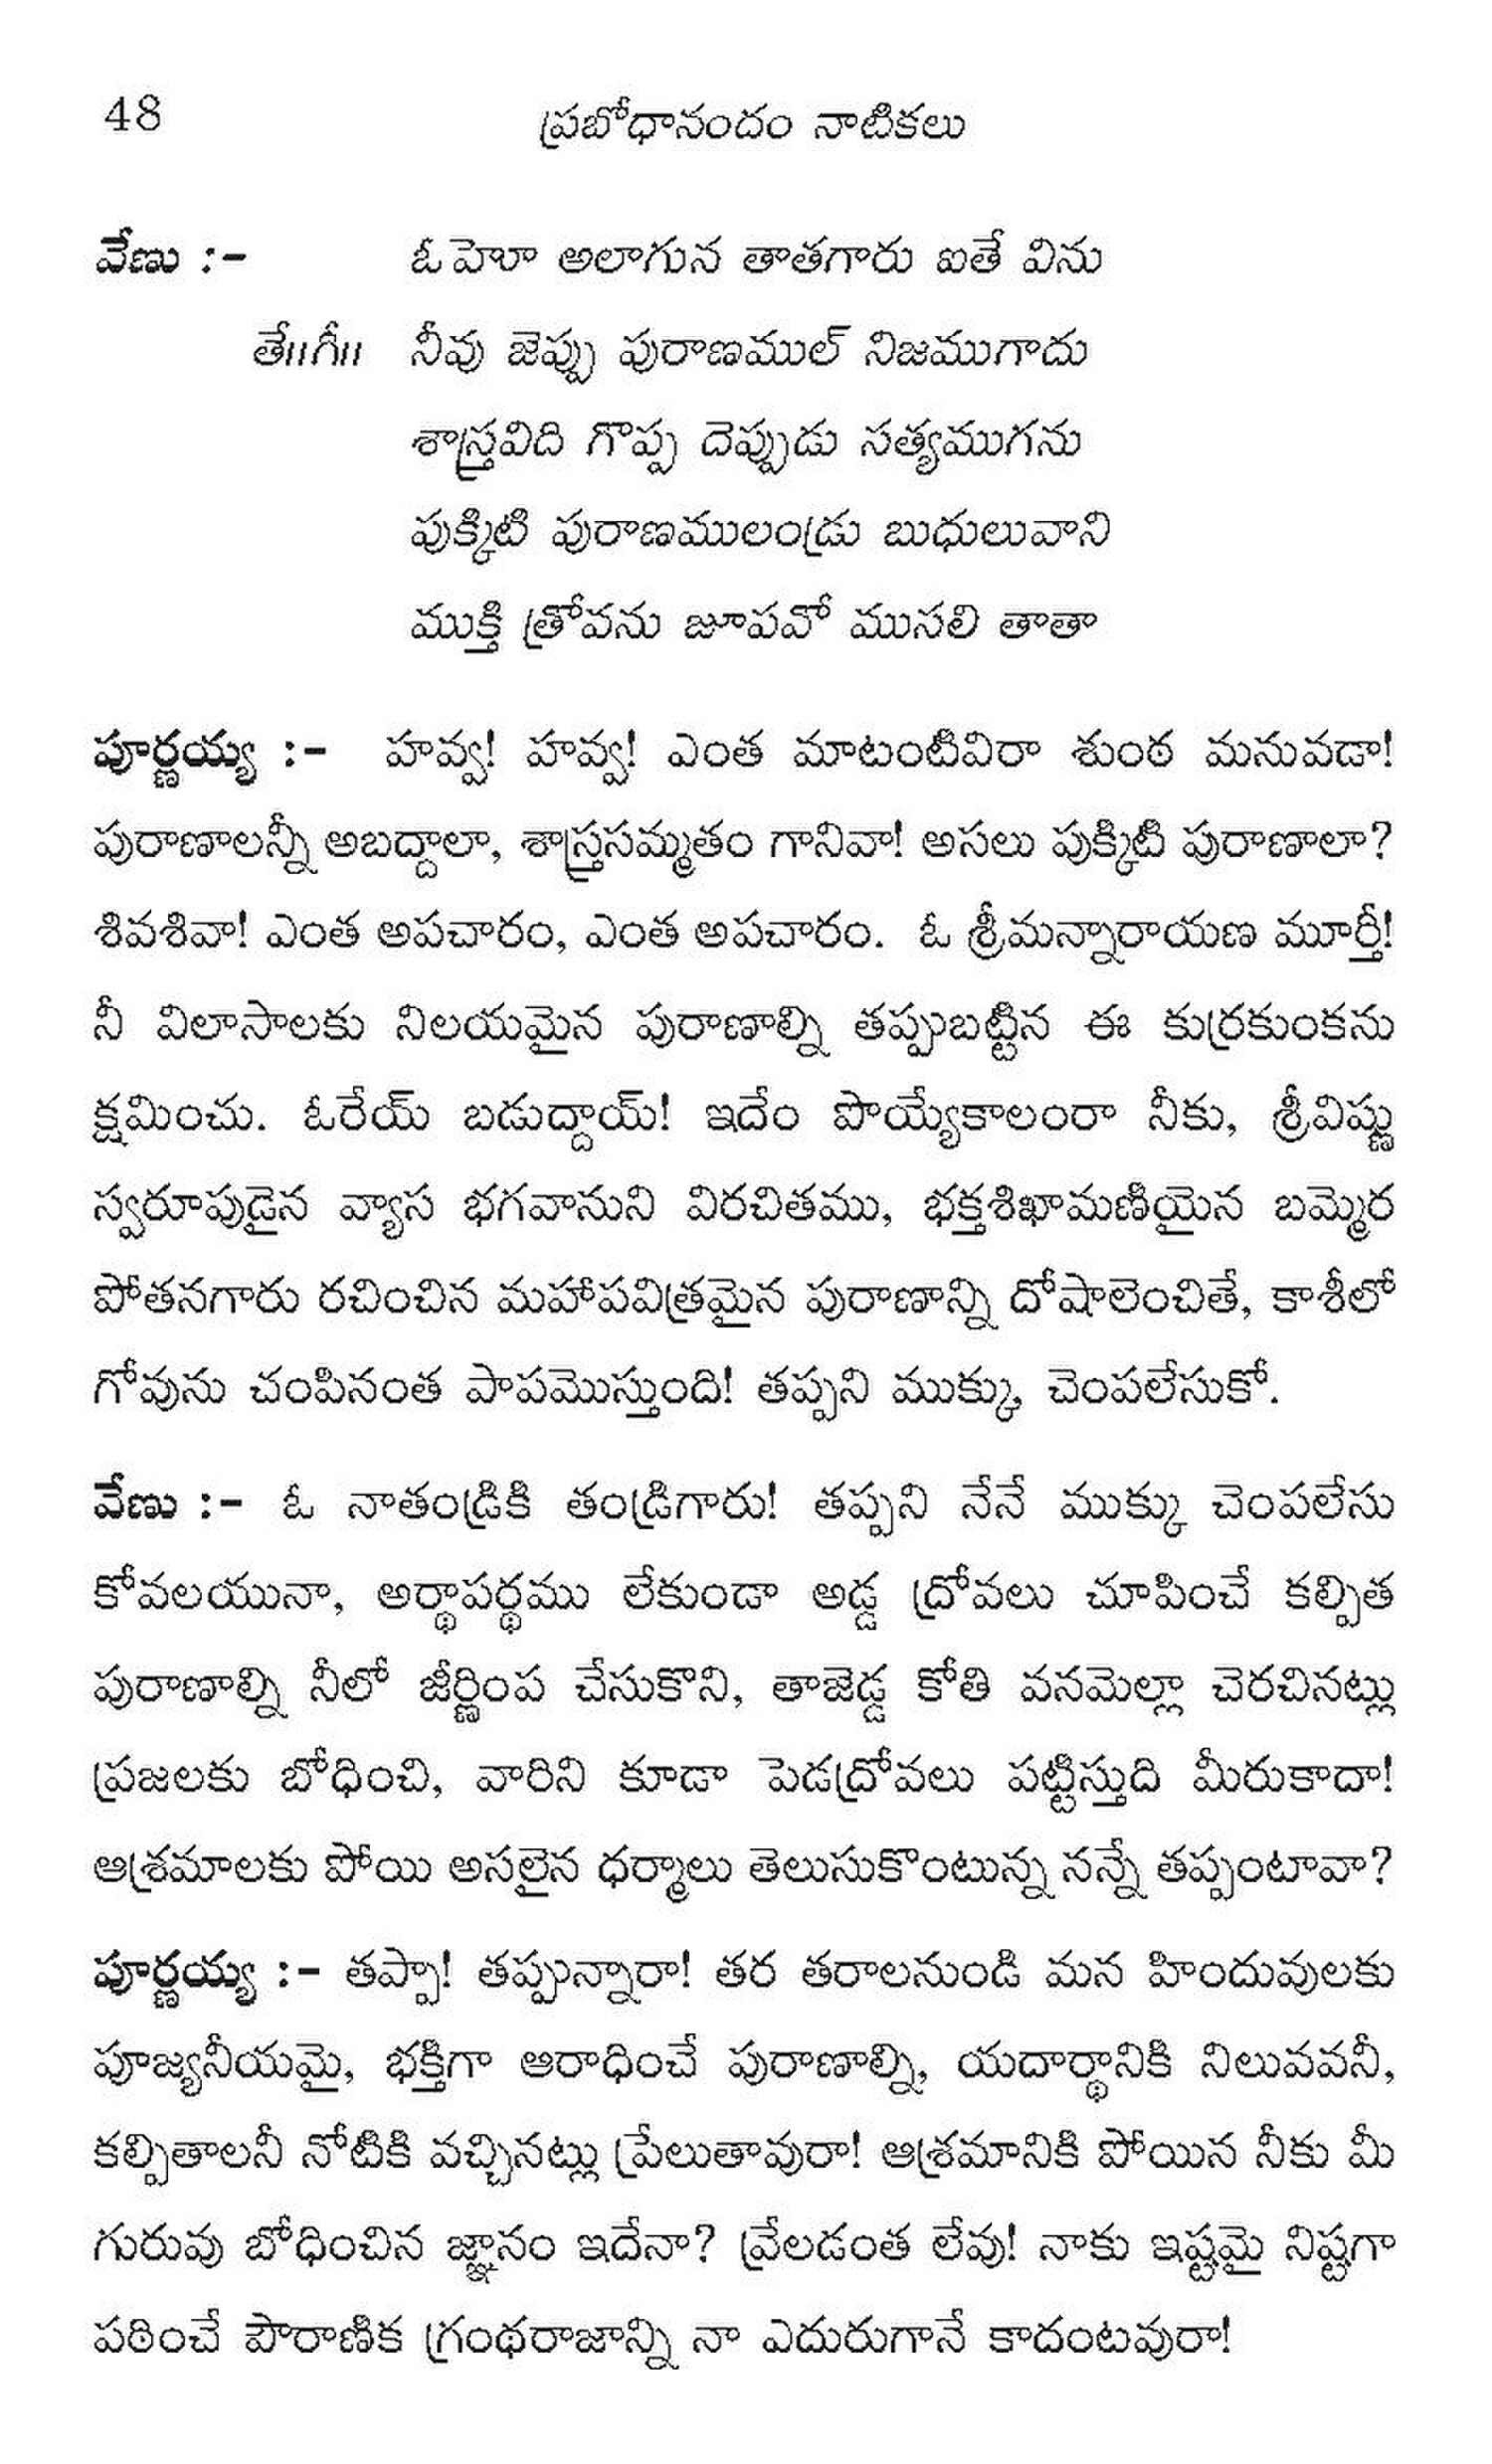వేణు :-		ఓహో అలాగున తాతగారు ఐతే విను

పూర్ణయ్య :- హవ్వ! హవ్వ! ఎంత మాటంటివిరా శుంఠ మనువడా! పురాణాలన్నీ అబద్దాలా, శాస్త్రసమ్మతం గానివా! అసలు పుక్కిటి పురాణాలా? శివశివా! ఎంత అపచారం, ఎంత అపచారం. ఓ శ్రీమన్నారాయణ మూర్తీ! నీ విలాసాలకు నిలయమైన పురాణాల్ని తప్పుబట్టిన ఈ కుర్రకుంకను క్షమించు. ఓరేయ్‌ బడుద్దాయ్‌! ఇదేం పొయ్యేకాలంరా నీకు, శ్రీవిష్ణు స్వరూపుడైన వ్యాస భగవానుని విరచితము, భక్తశిఖామణియైన బమ్మెర పోతనగారు రచించిన మహాపవిత్రమైన పురాణాన్ని దోషాలెంచితే, కాశీలో గోవును చంపినంత పాపమొస్తుంది! తప్పని ముక్కు, చెంపలేసుకో.

వేణు :- ఓ నాతండ్రికి తండ్రిగారు! తప్పని నేనే ముక్కు చెంపలేసు కోవలయునా, అర్థాపర్థము లేకుండా అడ్డ ద్రోవలు చూపించే కల్పిత పురాణాల్ని నీలో జీర్ణింప చేసుకొని, తాజెడ్డ కోతి వనమెల్లా చెరచినట్లు ప్రజలకు బోధించి, వారిని కూడా పెడద్రోవలు పట్టిస్తుది మీరుకాదా! ఆశ్రమాలకు పోయి అసలైన ధర్మాలు తెలుసుకొంటున్న నన్నే తప్పంటావా?

పూర్ణయ్య :- తప్పా! తప్పున్నారా! తర తరాలనుండి మన హిందువులకు పూజ్యనీయమై, భక్తిగా ఆరాధించే పురాణాల్ని, యదార్థానికి నిలువవనీ, కల్పితాలనీ నోటికి వచ్చినట్లు ప్రేలుతావురా! ఆశ్రమానికి పోయిన నీకు మీ గురువు బోధించిన జ్ఞానం ఇదేనా? వ్రేలడంత లేవు! నాకు ఇష్టమై నిష్టగా పఠించే పౌరాణిక గ్రంథరాజాన్ని నా ఎదురుగానే కాదంటవురా!